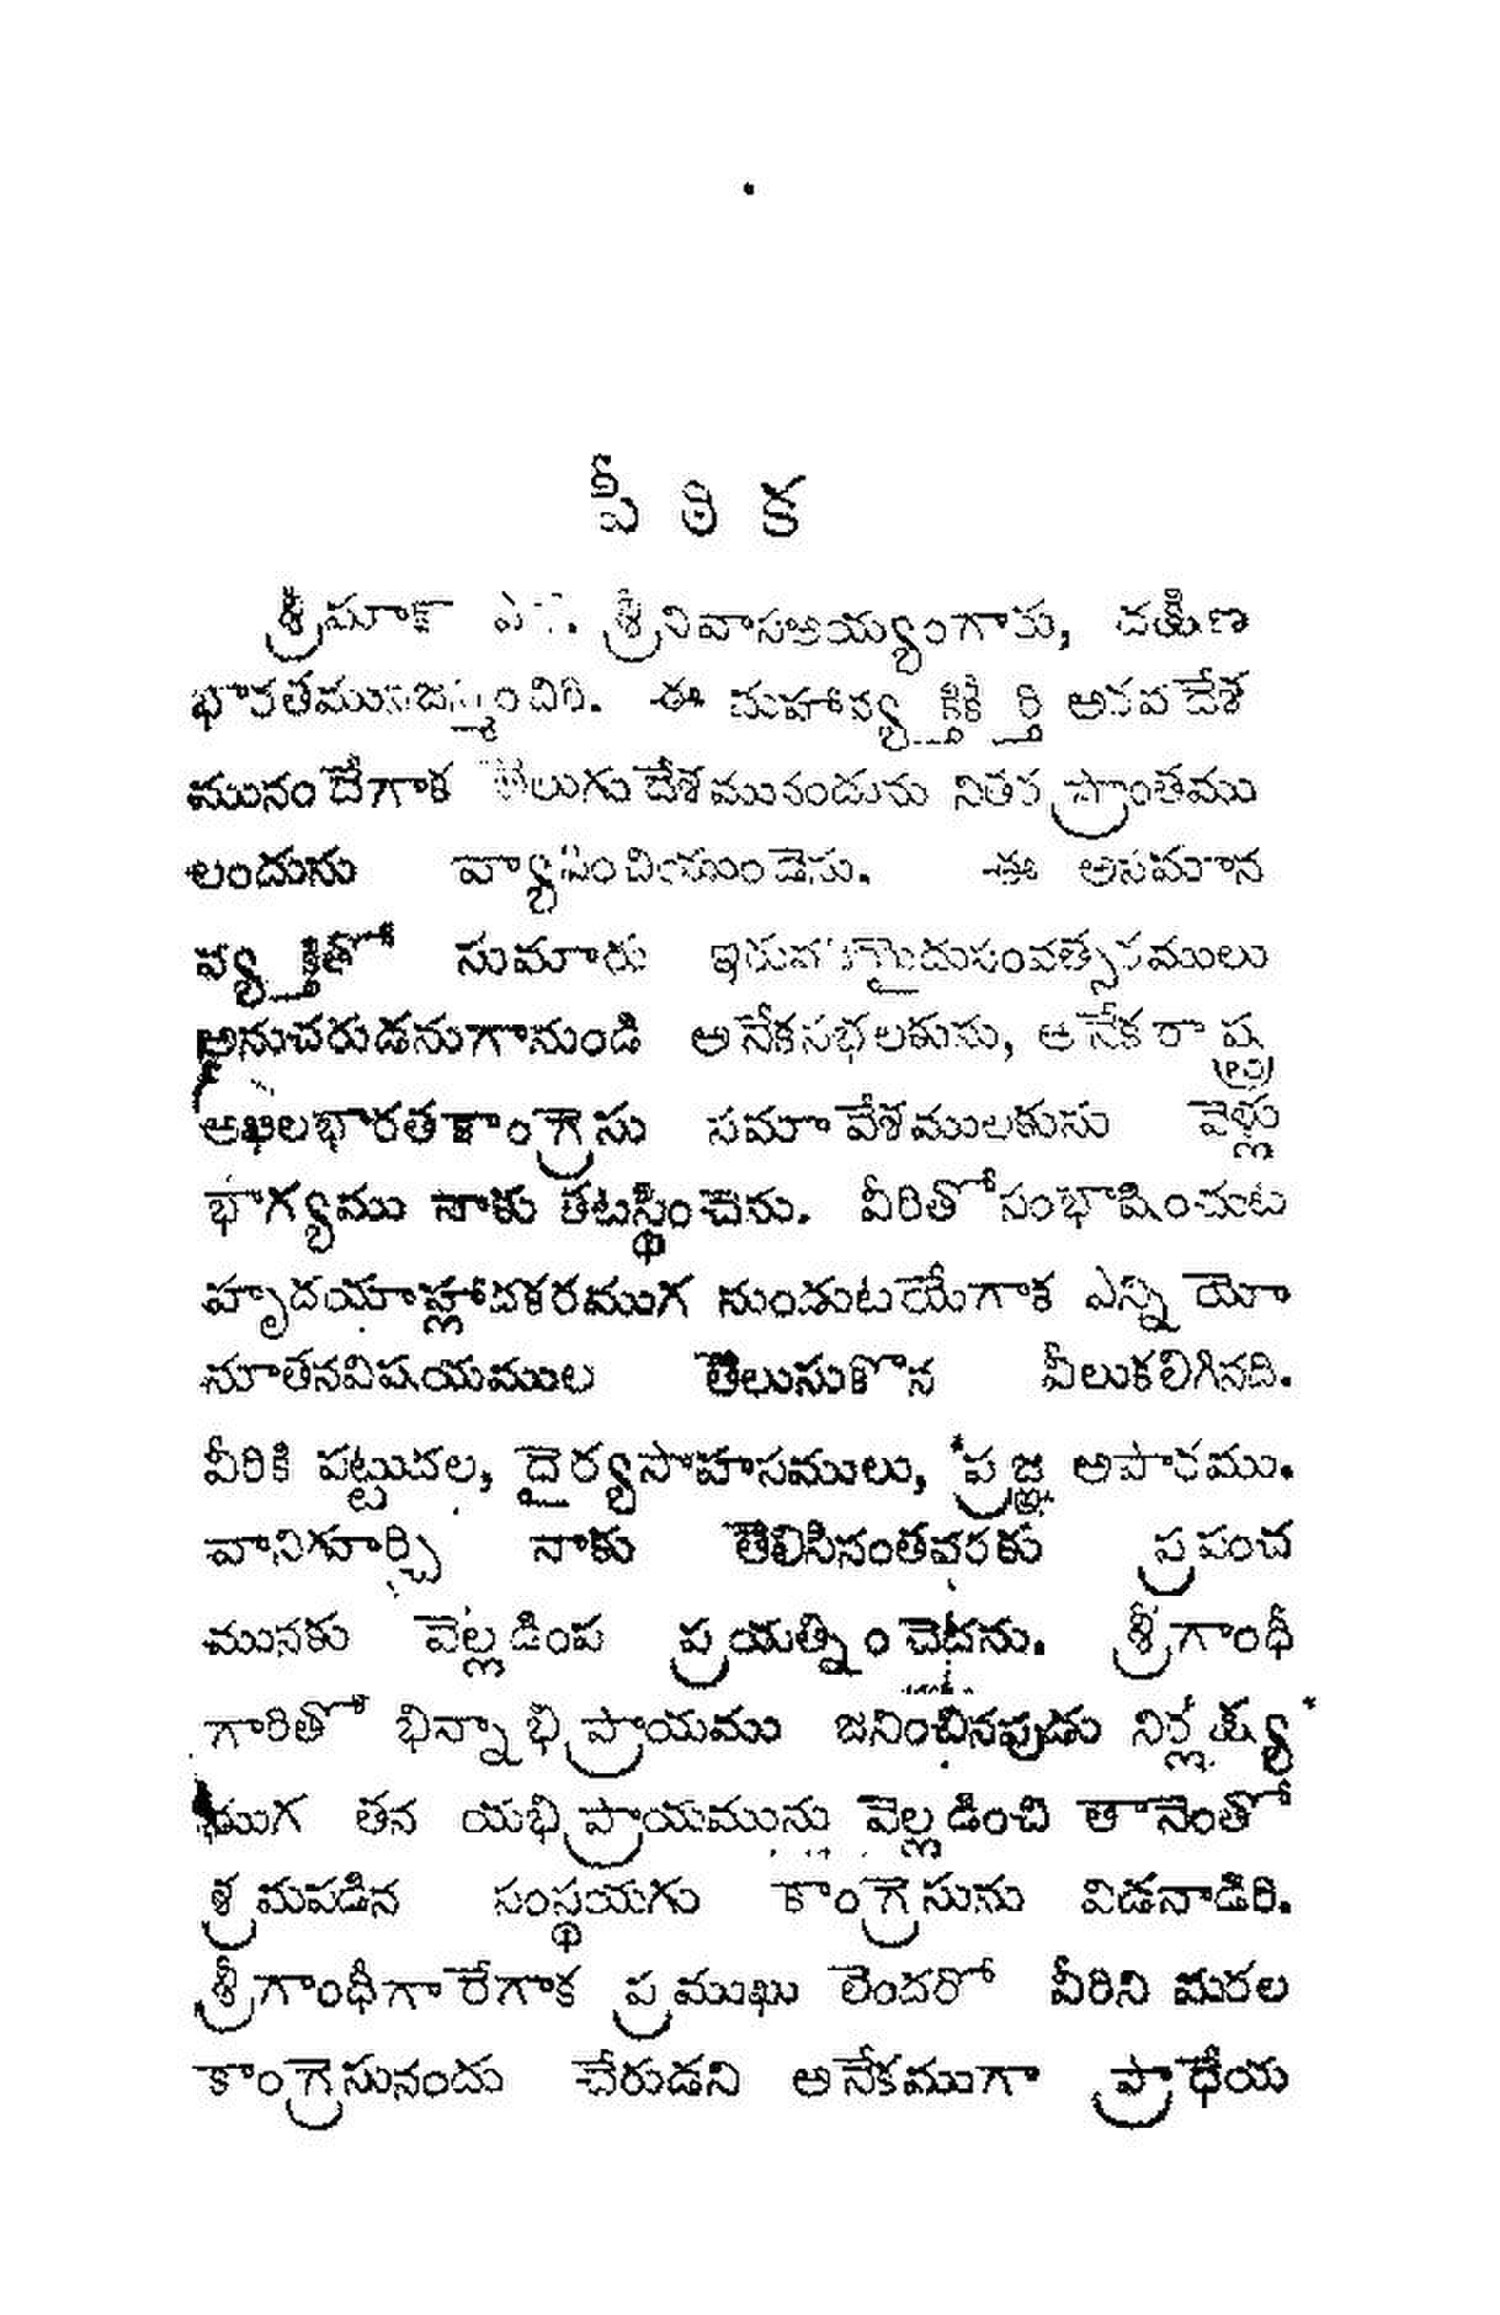పీఠిక

శ్రీమా౯ ఎస్. శ్రీనివాసఅయ్యంగారు, దక్షిణ భారతమునజన్మించిరి. ఈ మహావ్యక్తికీర్తి అరవదేశమునందేగాక తెలుగుదేశమునందును నితరప్రాంతములందును వ్యాపించియుండెను. ఈ అసమాన వ్యక్తితో సుమారు ఇరువదియైదుసంవత్సరములు అనుచరుడనుగానుండి అనేకసభలకుసు, అనేకరాష్ట్ర అఖిలభారతకాంగ్రెసు సమావేశములకును వెళ్లుభాగ్యము నాకు తటస్థించెను. వీరితోసంభాషించుట హృదయాహ్లాదకరముగ నుండుటయేగాక ఎన్నియో నూతనవిషయములు తెలుసుకొన వీలుకలిగినది. వీరికి పట్టుదల, ధైర్యసాహసములు, ప్రజ్ఞ అపారము. వానిగూర్చి నాకు తెలిసినంతవరకు ప్రపంచమునకు వెల్లడింప ప్రయత్నించెదను. శ్రీగాంధీగారితో భిన్నాభిప్రాయము జనించినపుడు నిర్లక్ష్యముగ తన యభిప్రాయమును వెల్లడించి తానెంతో శ్రమపడిన సంస్థయగు కాంగ్రెసును విడనాడిరి. శ్రీగాంధీగారేగాక ప్రముఖు లెందరో వీరిని మరల కాంగ్రెసునందు చేరుడని అనేకముగా ప్రాధేయ